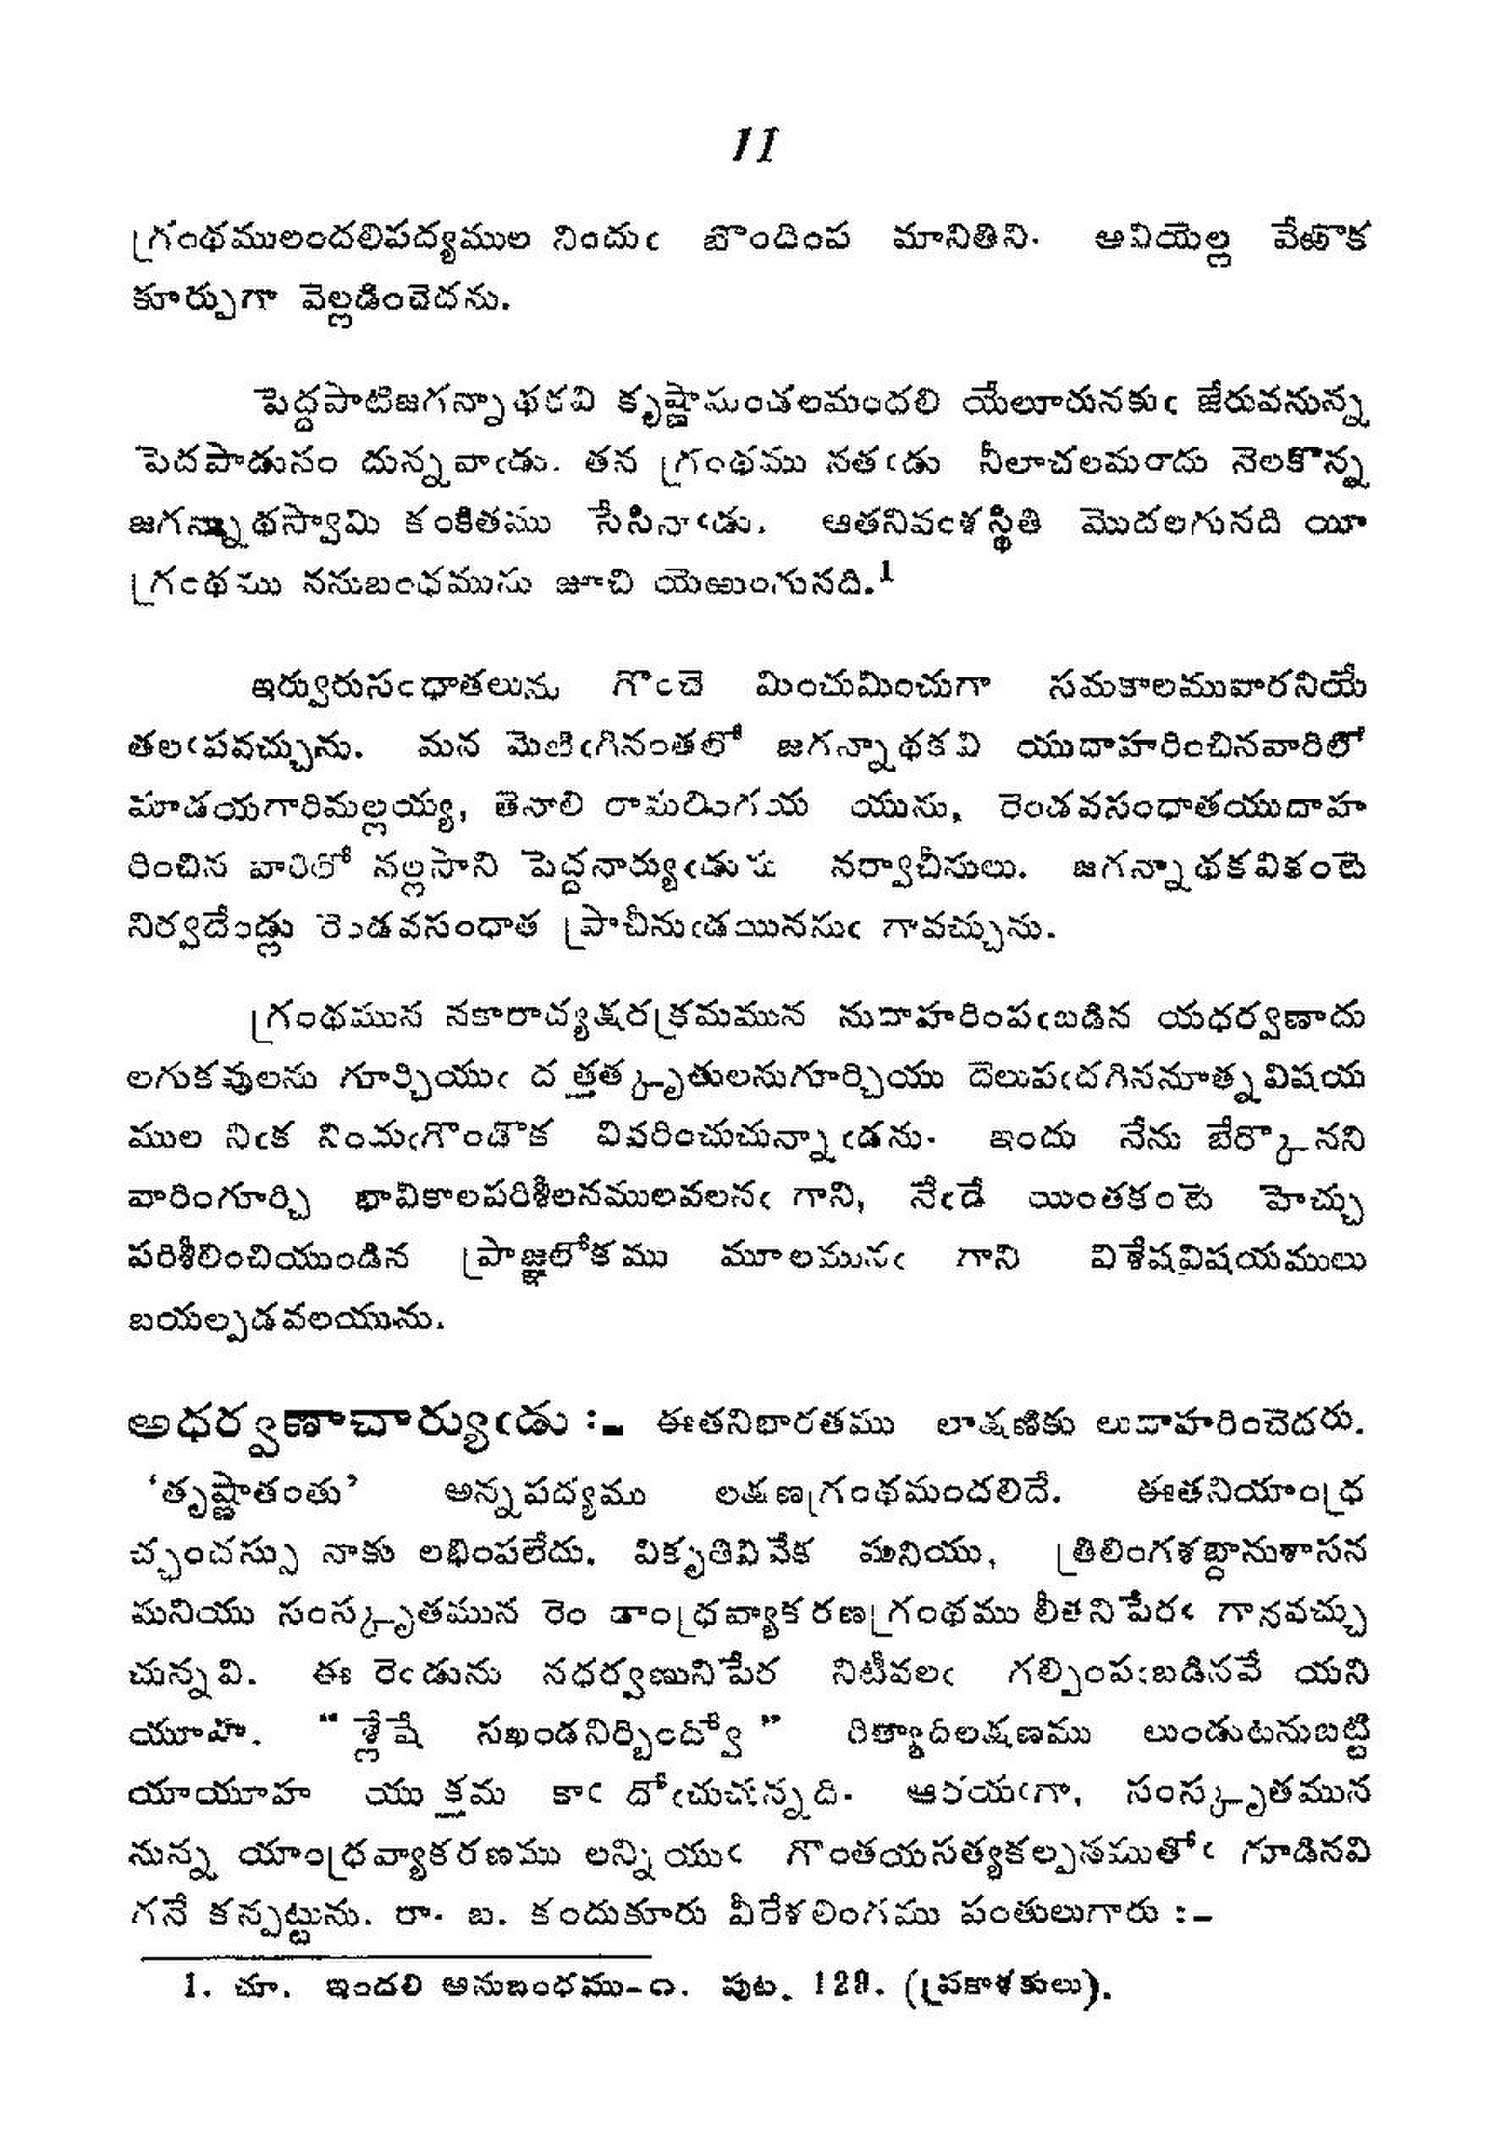గ్రంథములందలి పద్యముల నిందుఁ బొందింప మానితిని. అవియేల్ల వేఱొక కూర్పుగా వెల్లడించెదను.

పెద్దపాటి జగన్నాథకవి కృష్ణామండలమందలి యేలూరునకుఁ జేరువనున్న పెదపాడునం దున్నవాఁడు. తన గ్రంథము నతఁడు నీలాచలమందు నెలకొన్న జగన్నాథస్వామి కంకితము సేసినాఁడు. ఆతనివంశస్థితి మొదలగునది యీ గ్రంథము ననుబంధమును జూచి యెఱుంగునది.

ఇర్వురుసంధాతలును గొంచె మించుమించుగా సమకాలమువారనియే తలఁపవచ్చును. మన మెఱిఁగినంతలో జగన్నాథకవి యుదాహరించినవారిలో మాదయగారిమల్లయ్య, తెనాలి రామలింగయ యును, రెండవసంధాత యుదాహరించినవారిలో నల్లసాని పెద్దనార్యుఁడును నర్వాచీనులు. జగన్నాథకవికంటే నిర్వదేండ్లు రెండవసంధాత ప్రాచీనుఁడయిననుఁ గావచ్చును.

గ్రంథమున నకారాద్యక్షరక్రమమున నుదాహరింపఁబడిన యధర్వణాదు లగుకవులను గూర్చియుఁ దత్తత్కృతులనుగూర్చియు దెలుపఁదగిననూత్నవిషయముల నిఁక నించుఁగొండొక వివరించుచున్నాఁడను. ఇందు నేను బేర్కొననివారింగూర్చి భావికాలపరిశీలనములవలనఁ గాని, నేఁడే యింతకంటే హెచ్చు పరిశీలించియుండిన ప్రాజ్ఞలోకము మూలమునఁ గాని విశేషవిషయములు బయల్పడవలయును.

అధర్వణాచార్యుఁడు:- ఈతనిభారతము లాక్షణికు లుదాహరించెదరు. 'తృష్ణాతంతు' అన్నపద్యము లక్షణగ్రంథమందలిదే. ఈతనియాంధ్రచ్ఛందస్సు నాకు లభింపలేదు. వికృతివివేక మనియు, త్రిలింగశబ్దానుశాసన మనియు సంస్కృతమున రెం డాంధ్రవ్యాకరణగ్రంథము లీతనిపేరఁ గానవచ్చుచున్నవి. ఈ రెండును నధర్వణునిపేర నిటీవలఁ గల్పింపఁబడినవే యని యూహ. "శ్లేషే సఖండ నిర్బింద్వో" రిత్యాదిలక్షణము లుండుటనుబట్టి యాయూహ యుక్తము కాఁ దోఁచుచున్నది. అరయఁగా, సంస్కృతమున నున్న యాంధ్రవ్యాకరణము లన్నియుఁ గొంతయసత్యకల్పనముతోఁ గూడినవిగనే కన్పట్టును. రా. బ. కందుకూరు వీరేశలింగము పంతులుగారు:-